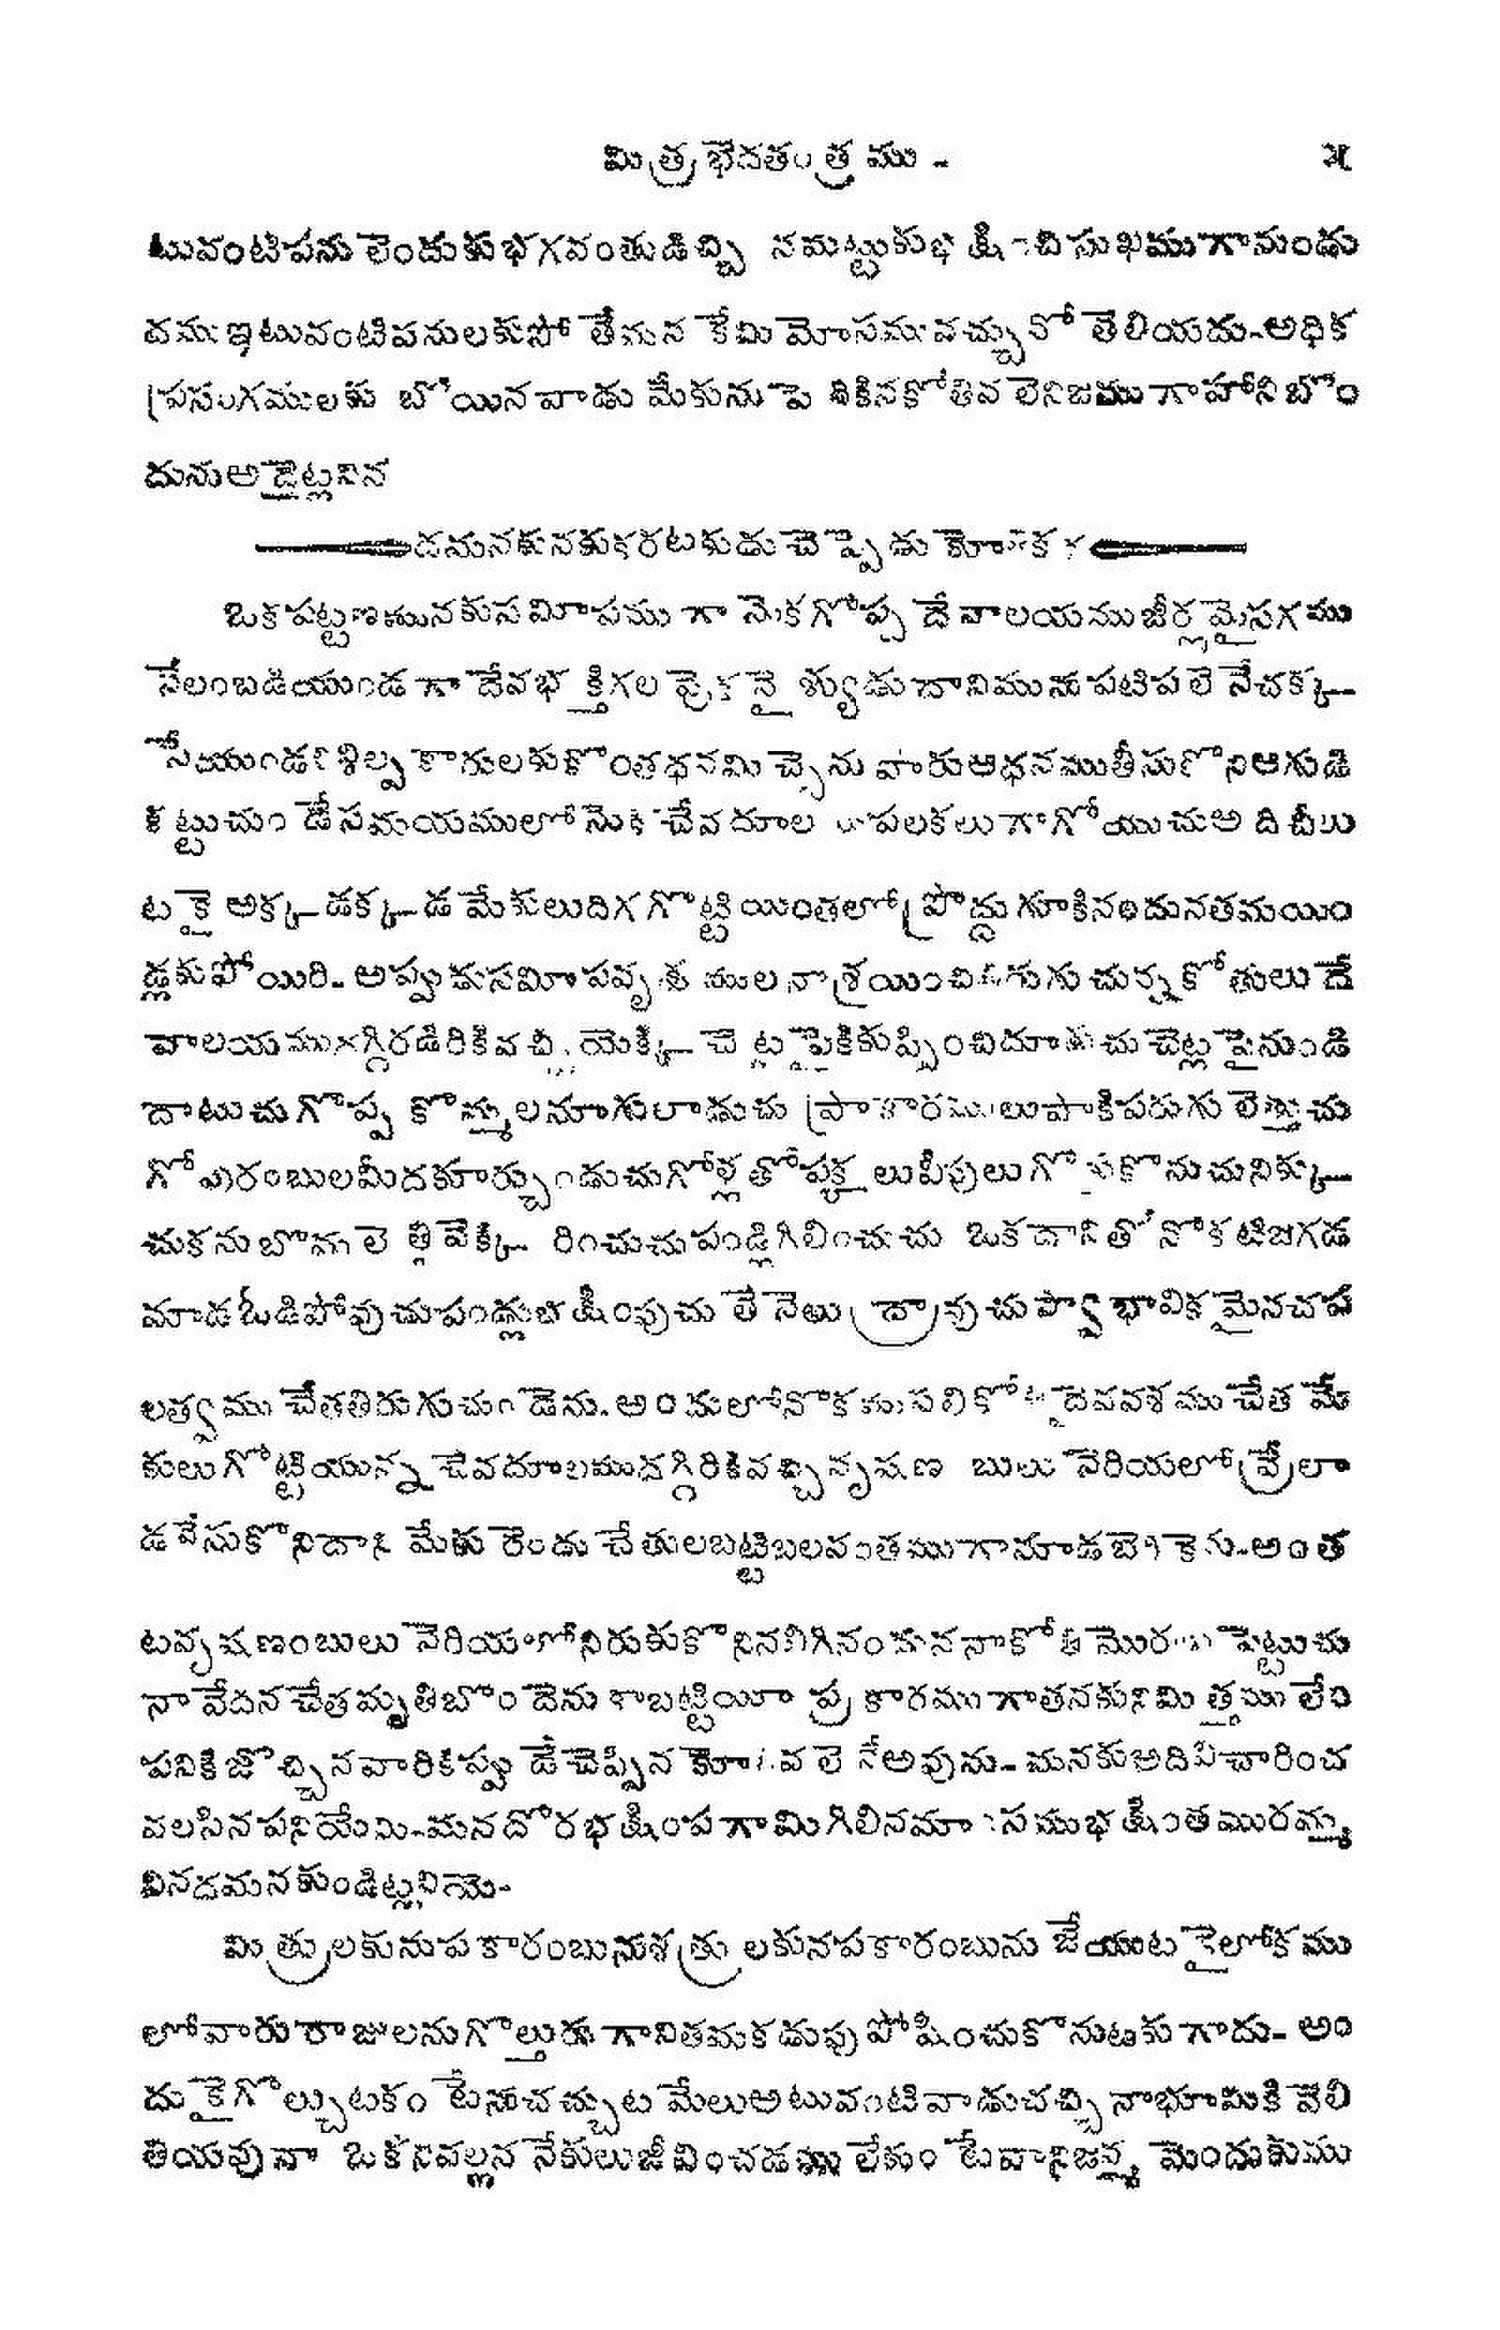టువంటి పను లెందుకు. భగవంతు డిచ్చినమట్టుకు భక్షించి సుఖముగా నుండుదము. ఇటువంటిపనులకు పోతే మన కేమి మోసము వచ్చునో తెలియదు. అధికప్రసంగములకు బోయినవాడు మేకును పెరికినకోతివలె నిజముగా హాని బొందును. అదెట్లనిన
దమనకునకు కరటకుడు చెప్పెడు కోతికథ
ఒకపట్టణమునకు సమీపముగా నొకగొప్పదేవాలయము జీర్ణమై సగము నేలంబడియుండగా దేవభక్తిగల వొకవైశ్యుడు దాని మునుపటివలెనే చక్కసేయుండని శిల్పకారులకు కొంతధన మిచ్చెను. వారు ఆధనము తీసుకొని ఆగుడి కట్టుచుండేసమయములో నొకచేవదూలము పలకలుగా గోయుచు అది చీలుటకై అక్కడక్కడ మేకులు దిగగొట్టి యింతలో ప్రొద్దుగూకినందున తమయిండ్లకు పోయిరి. అప్పుడు సమీపవృక్షముల నాశ్రయించి దిరుగుచున్న కోతులు దేవాలయముదగ్గిర దిరికివచ్చి యెక్కి చెట్లపైకి కుప్పించి దూకుచు చెట్లపైనుండి దాటుచు గొప్పకొమ్మల నూగులాడుచు ప్రాకారములు పాకి పరుగులెత్తుచు గోపురంబులమీద కూర్చుండుచు గోళ్లతో పక్కలు వీపులు గోకుకొనుచునిక్కుచు కనుబొమలెత్తి వెక్కి రించుచు పండ్లిగిలించుచు ఒకదానితో నొకటి జగడమాడ ఓడిపోవుచు పండ్లు భక్షింపుచు తేనెలు దావుచు స్వాభావికమైన చపలత్వముచేత తిరుగుచుండెను. అందులో నొకముసలికోతి దైవవశముచేత మేకులు గొట్టియున్న చేవదూలము దగ్గరికి వచ్చి వృషణంబులు నెరియలో వ్రేలాడవేసుకొని దానిమేకు రెండుచేతుల బట్టి బలవంతముగా నూడబెరికెను. అంతట వృషణంబులు నెరియలో నిరుకుకొని నలిగినందున మొరలు పెట్టుచు నావేదనచేత మృతిబొందెను. కాబట్టి యీప్రకారముగా తనకు నిమిత్తము లేనిపనికి జొచ్చినవారి కిప్పుడే చెప్పినకోతివలె అవును. మనకు అది విచారించవలసిన పని యేమి. మనదొర భక్షింపగా మిగిలినమాంసము భక్షింతము రమ్మనిన దమనకుం డిట్లనియె.

మిత్రులకు నుపకారంబును శత్రులకు నపకారంబును జేయుటకై లోకములోవారు రాజులను గొల్తురు గాని తమకడుపు పోషించుకొనుటకు గాదు. అందుకై గొల్చుటకంటెను చచ్చుట మేలు. అటువంటివాడు చచ్చినా భూమికి వెలితి యవునా. ఒకనివల్ల ననేకులు జీవించడము లేకుంటేలవానిజన్మ మెందుకు. ము